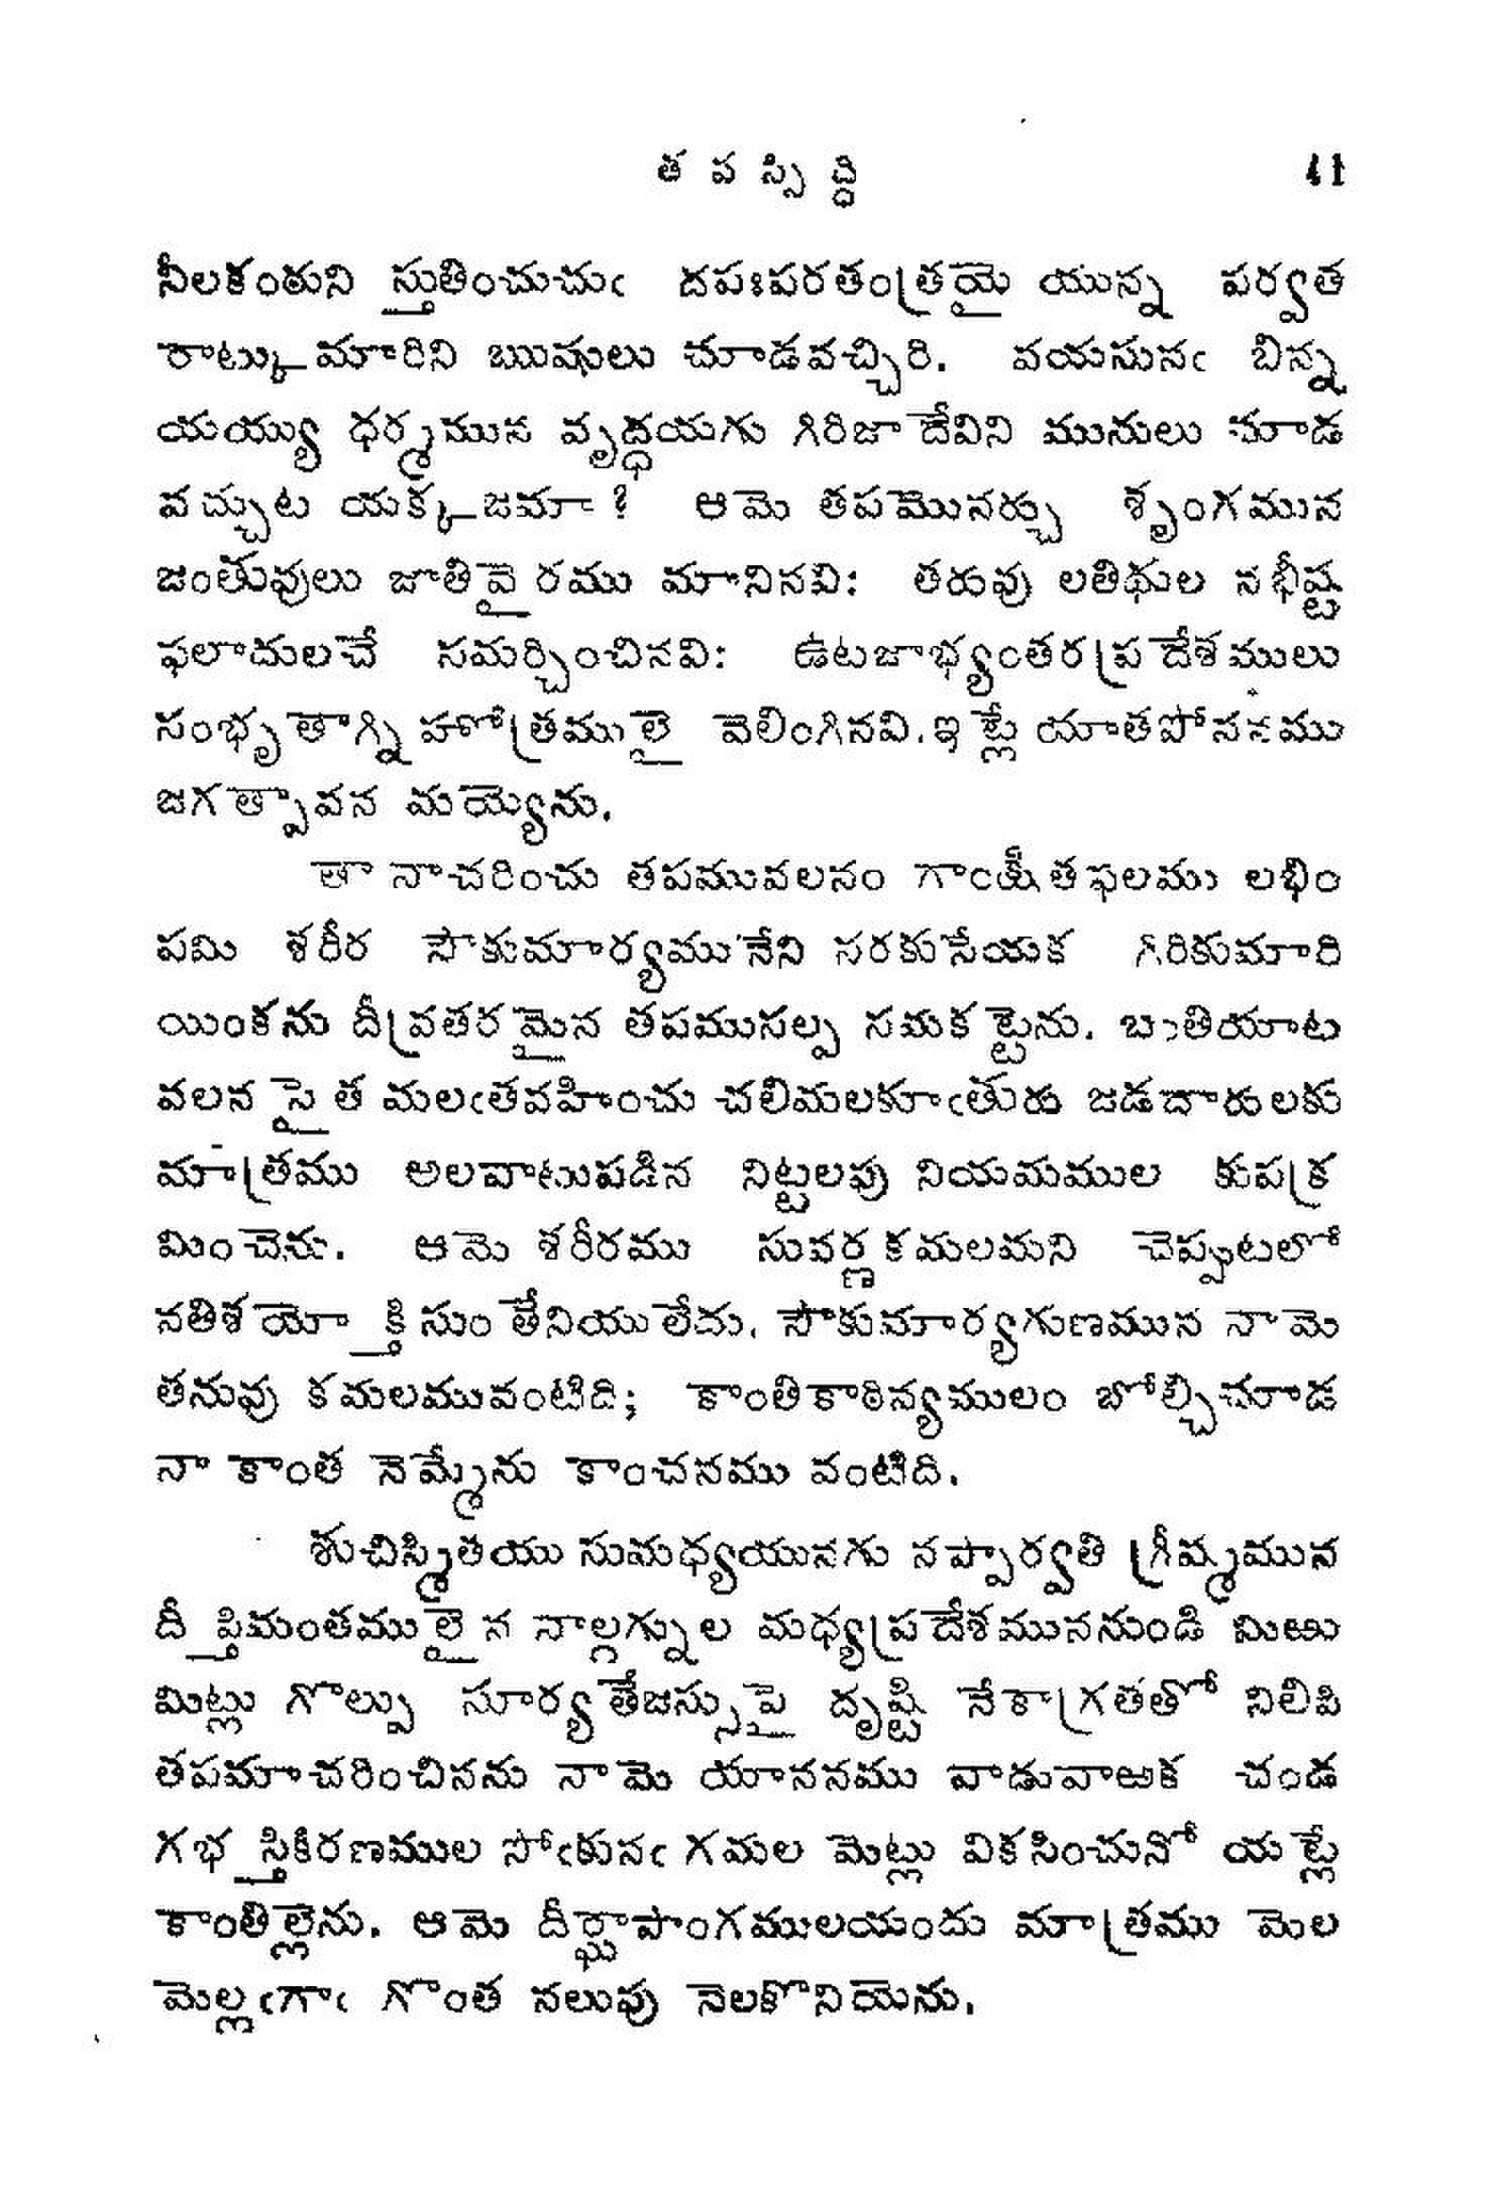నీలకంఠుని స్తుతించుచుఁ దపఃపరతంత్రయై యున్న పర్వత రాట్కు మారిని ఋషులు చూడవచ్చిరి. వయసునఁ బిన్న
యయ్యు ధర్మమున వృద్ధయగు గిరిజా దేవిని మునులు చూడ వచ్చుట యక్కజమా ? ఆమె తపమొనర్చు శృంగమున
జంతువులు జాతివైరము మానినవి: తరువు లతిథుల నభీష్ట ఫలాదులచే సమర్పించినవి: ఉటజాభ్యంతర ప్రదేశములు
సంభృతాగ్ని హోత్రములై వెలింగినవి. ఇట్లే యాతపోననము జగత్పావన మయ్యెను.

తానాచరించు తపమువలనం గాంక్షితఫలము లభింపమి శరీర సౌకుమార్యమునేని సరకు సేయక గిరికుమారి యింకను దీవ్రతరమైన తపముసల్ప సమకట్టెను. బంతియాట వలన సైత మలఁతవహించు చలిమలకూఁతురు జడదారులకు
మాత్రము అలవాటుపడిన నిట్టలపు నియమముల కుపక్రమించెను. ఆమె శరీరము సువర్ణకమలమని చెప్పుటలో
నతిశయోక్తి సుం తేనియులేదు. సౌకుమార్యగుణమున నామె తనువు కమలమువంటిది; కాంతి కాఠిన్యములం బోల్చిచూడ
నా కాంత నెమ్మేను కాంచనము వంటిది.

శుచిస్మితయు సుమధ్యయునగు నప్పార్వతి గ్రీష్మమున దీప్తిమంతములై న నాల్గగ్నుల మధ్య ప్రదేశమున నుండి మిఱు
మిట్లు గొల్పు సూర్యతేజస్సుపై దృష్టి నేకాగ్రతతో నిలిపి తపమాచరించినను నామె యాననము వాడువాఱక చండ
గభస్తికిరణముల సోఁకునఁ గమల మెట్లు వికసించునో యట్లే కాంతిల్లెను. ఆమె దీర్ఘపాంగములయందు మాత్రము మెల
మెల్లఁగాఁ గొంత నలుపు నెలకొనియెను,